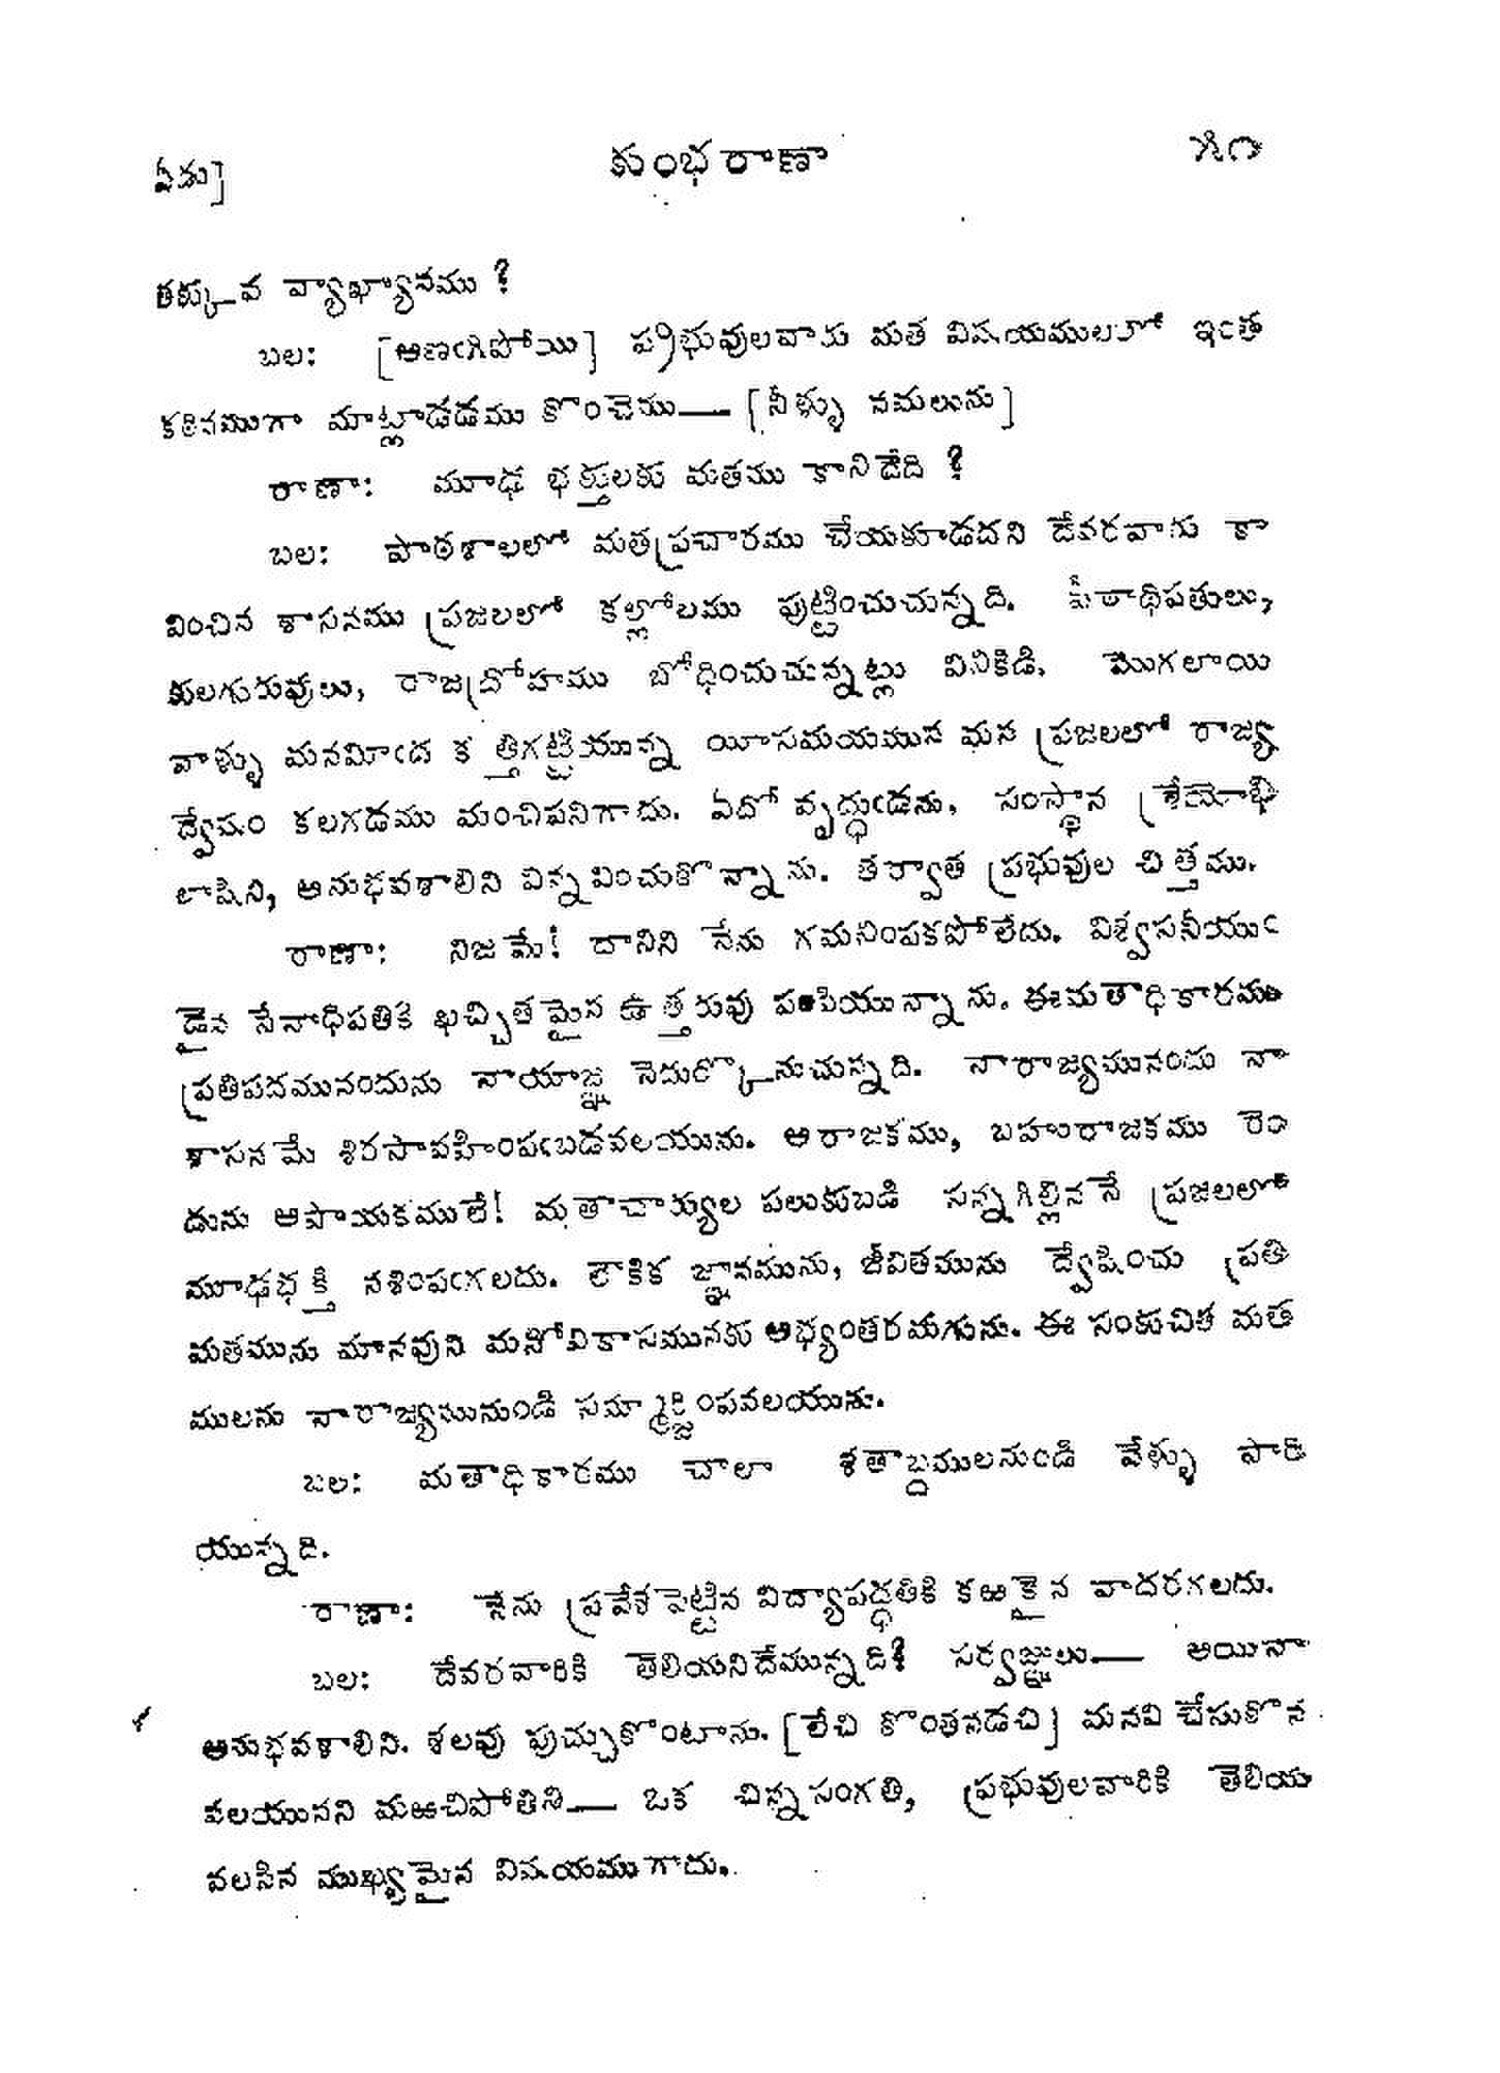తక్కువ వ్యాఖ్యానము ?

బల : [అణఁగిపోయి] ప్రభువులవారు మత విషయములలో ఇంత కఠినముగా మాట్లాడడము కొంచెము - [నీళ్ళు నమలును]

రాణా : మూఢ భక్తులకు మతము కానిదేది ?

బల : పాఠశాలలో మతప్రచారము చేయకూడదని దేవరవారు కావించిన శాసనము ప్రజలలో కల్లోలము పుట్టించుచున్నది. పీఠాథిపతులు, కులగురువులు, రాజద్రోహము బోధించుచున్నట్లు వినికిడి. మొగలాయి వాళ్ళు మనమీఁద కత్తిగట్టియున్న యీసమయమున మన ప్రజలలో రాజ్యద్వేషం కలగడము మంచిపనిగాదు. ఏదో వృద్ధుఁడను. సంస్థాన శ్రేయోభిలాషిని, అనుభవశాలిని విన్నవించుకొన్నాను. తర్వాత ప్రభువుల చిత్తము.

రాణా : నిజమే! దానిని నేను గమనింపకపోలేదు. విశ్వసనీయుఁడైన సేనాధిపతికి ఖచ్చితమైన ఉత్తరువు పంపియున్నాను. ఈమతాధికారము ప్రతిపదమునందును నాయాజ్ఞ నెదుర్కొనుచున్నది. నారాజ్యమునందు నా శాసనమే శిరసావహింపఁబడవలయును. అరాజకము, బహురాజకము రెండును అపాయకములే ! మతాచార్యుల పలుకుబడి సన్నగిల్లిననే ప్రజలలో మూఢభక్తి నశింపఁగలదు. లౌకిక జ్ఞానమును, జీవితమును ద్వేషించు ప్రతి మతమును మానవుని మనోవికాసమునకు అభ్యంతరమగును. ఈ సంకుచిత మతములను నారాజ్యమునుండి సమ్మార్జింపవలయును. 

బల : మతాధికారము చాలా శతాబ్దములనుండి వేళ్ళు పారియున్నది.

రాణా : నేను ప్రవేశపెట్టిన విద్యాపద్ధతికి కఱకైన వాదరగలదు.

బల : దేవరవారికి తెలియనిదేమున్నది ? సర్వజ్ఞులు - అయినా అనుభవశాలిని. శలవు పుచ్చుకొంటాను. [లేచి కొంతనడచి] మనవి చేసుకొన వలయునని మఱచిపోతిని - ఒక చిన్నసంగతి, ప్రభువులవారికి తెలియవలసిన ముఖ్యమైన విషయము గాదు.